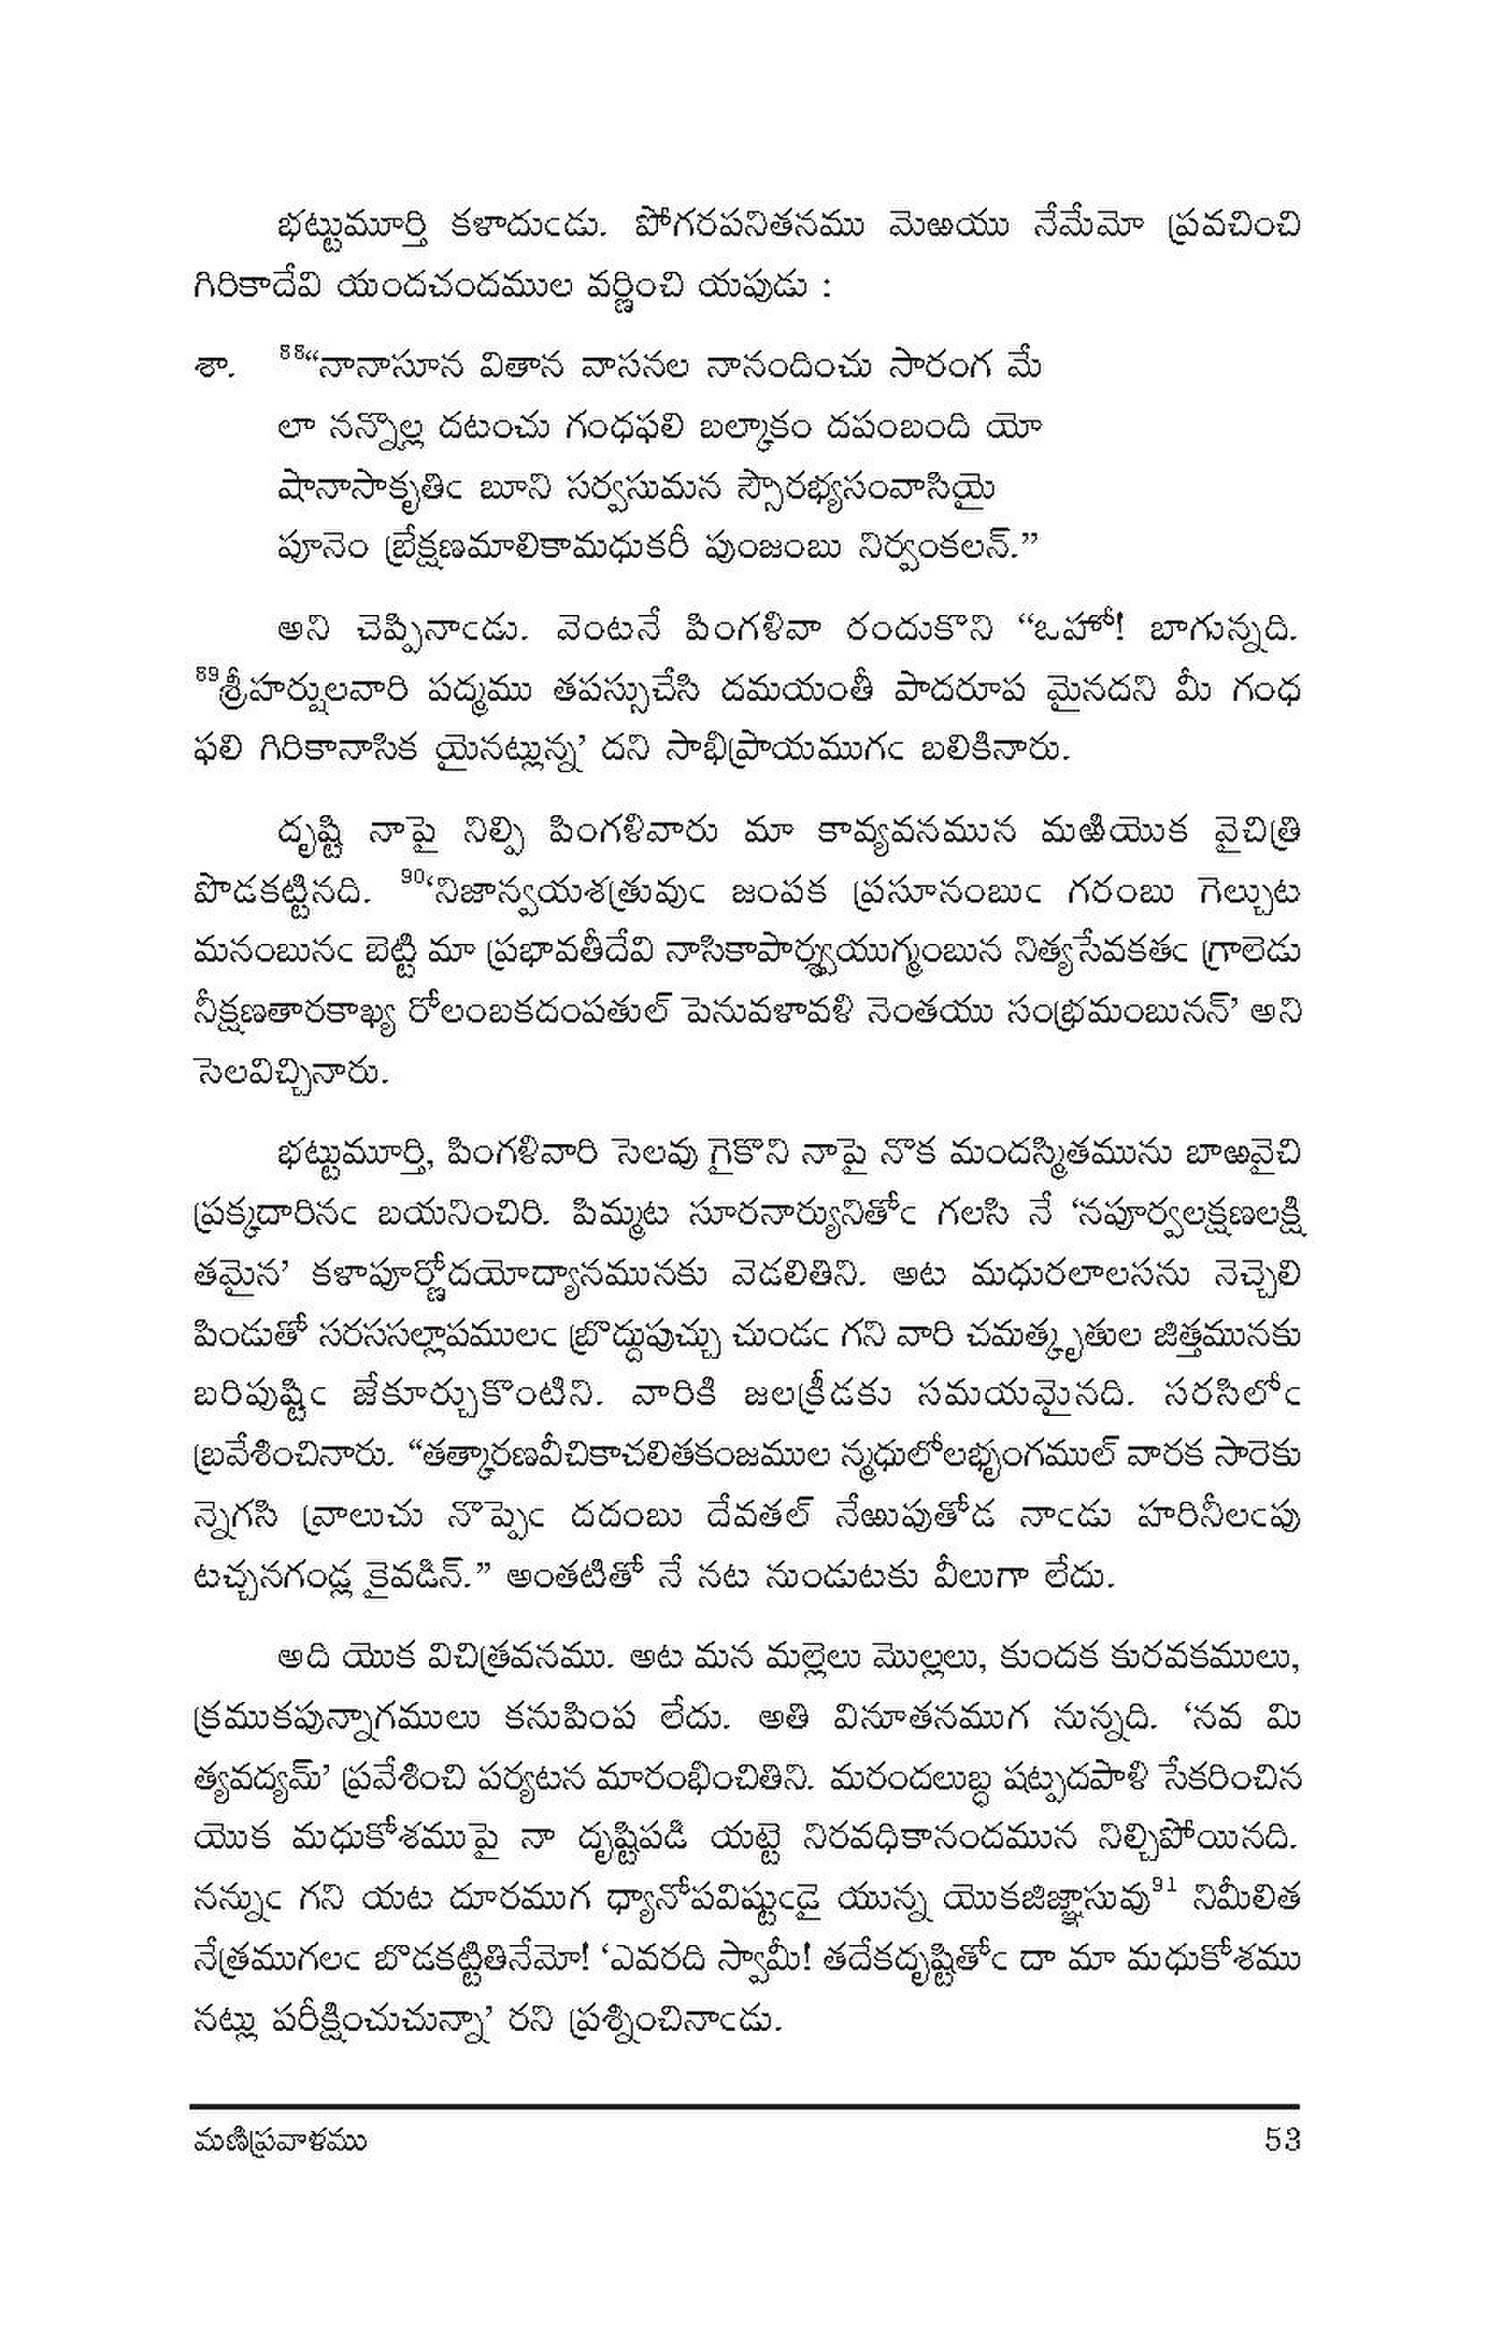భట్టుమూర్తి కళాదుఁడు. పోగరపనితనము మెఱయు నేమేమో ప్రవచించి
గిరికాదేవి యందచందముల వర్ణించి యపుడు :

శా. "నానాసూన వితాన వాసనల నానందించు సారంగ మే
 లా నన్నొల్ల దటంచు గంధఫలి బల్కాకం దపంబంది యో
 షానాసాకృతిఁ బూని సర్వసుమన స్సౌరభ్యసంవాసియై
 పూనెం బ్రేక్షణమాలికామధుకరీ పుంజంబు నిర్వంకలన్.”

అని చెప్పినాఁడు. వెంటనే పింగళివా రందుకొని "ఒహో! బాగున్నది.
శ్రీహర్షులవారి పద్మము తపస్సుచేసి దమయంతీ పాదరూప మైనదని మీ గంధ
ఫలి గిరికానాసిక యైనట్లున్న' దని సాభిప్రాయముగఁ బలికినారు.

దృష్టి నాపై నిల్పి పింగళివారు మా కావ్యవనమున మఱియొక వైచిత్రి
పొడకట్టినది. నిజాన్వయశత్రువుఁ జంపక ప్రసూనంబుఁ గరంబు గెల్చుట
మనంబునఁ బెట్టి మా ప్రభావతీదేవి నాసికాపార్శ్వయుగ్మంబున నిత్యసేవకతఁ గ్రాలెడు
నీక్షణతారకాఖ్య రోలంబకదంపతుల్ పెనువళావళి నెంతయు సంభ్రమంబునన్' అని
సెలవిచ్చినారు.

భట్టుమూర్తి, పింగళివారి సెలవు గైకొని నాపై నొక మందస్మితమును బాఱవైచి
ప్రక్కదారినఁ బయనించిరి. పిమ్మట సూరనార్యునితోఁ గలసి నే 'నపూర్వలక్షణలక్షి
తమైన' కళాపూర్ణోదయోద్యానమునకు వెడలితిని. అట మధురలాలసను నెచ్చెలి
పిండుతో సరససల్లాపములఁ బ్రొద్దుపుచ్చు చుండఁ గని వారి చమత్కృతుల జిత్తమునకు
బరిపుష్టిఁ జేకూర్చుకొంటిని. వారికి జలక్రీడకు సమయమైనది. సరసిలోఁ
బ్రవేశించినారు. “తత్కారణవీచికాచలితకంజముల న్మధులోలభృంగముల్ వారక సారెకు
న్నెగసి వ్రాలుచు నొప్పెఁ దదంబు దేవతల్ నేఱుపుతోడ నాఁడు హరినీలఁపు
టచ్చనగండ్ల కైవడిన్.” అంతటితో నే నట నుండుటకు వీలుగా లేదు.

అది యొక విచిత్రవనము. అట మన మల్లెలు మొల్లలు, కుందక కురవకములు,
క్రముకపున్నాగములు కనుపింప లేదు. అతి వినూతనముగ నున్నది. 'నవ మి
త్యవద్యమ్' ప్రవేశించి పర్యటన మారంభించితిని. మరందలుబ్ధ షట్పదపాళి సేకరించిన
యొక మధుకోశముపై నా దృష్టిపడి యట్టె నిరవధికానందమున నిల్చిపోయినది.
నన్నుఁ గని యట దూరముగ ధ్యానోపవిష్టుఁడై యున్న యొకజిజ్ఞాసువునిమీలిత
నేత్రముగలఁ బొడకట్టితినేమో! 'ఎవరది స్వామీ! తదేకదృష్టితోఁ దా మా మధుకోశము
నట్లు పరీక్షించుచున్నా' రని ప్రశ్నించినాఁడు.